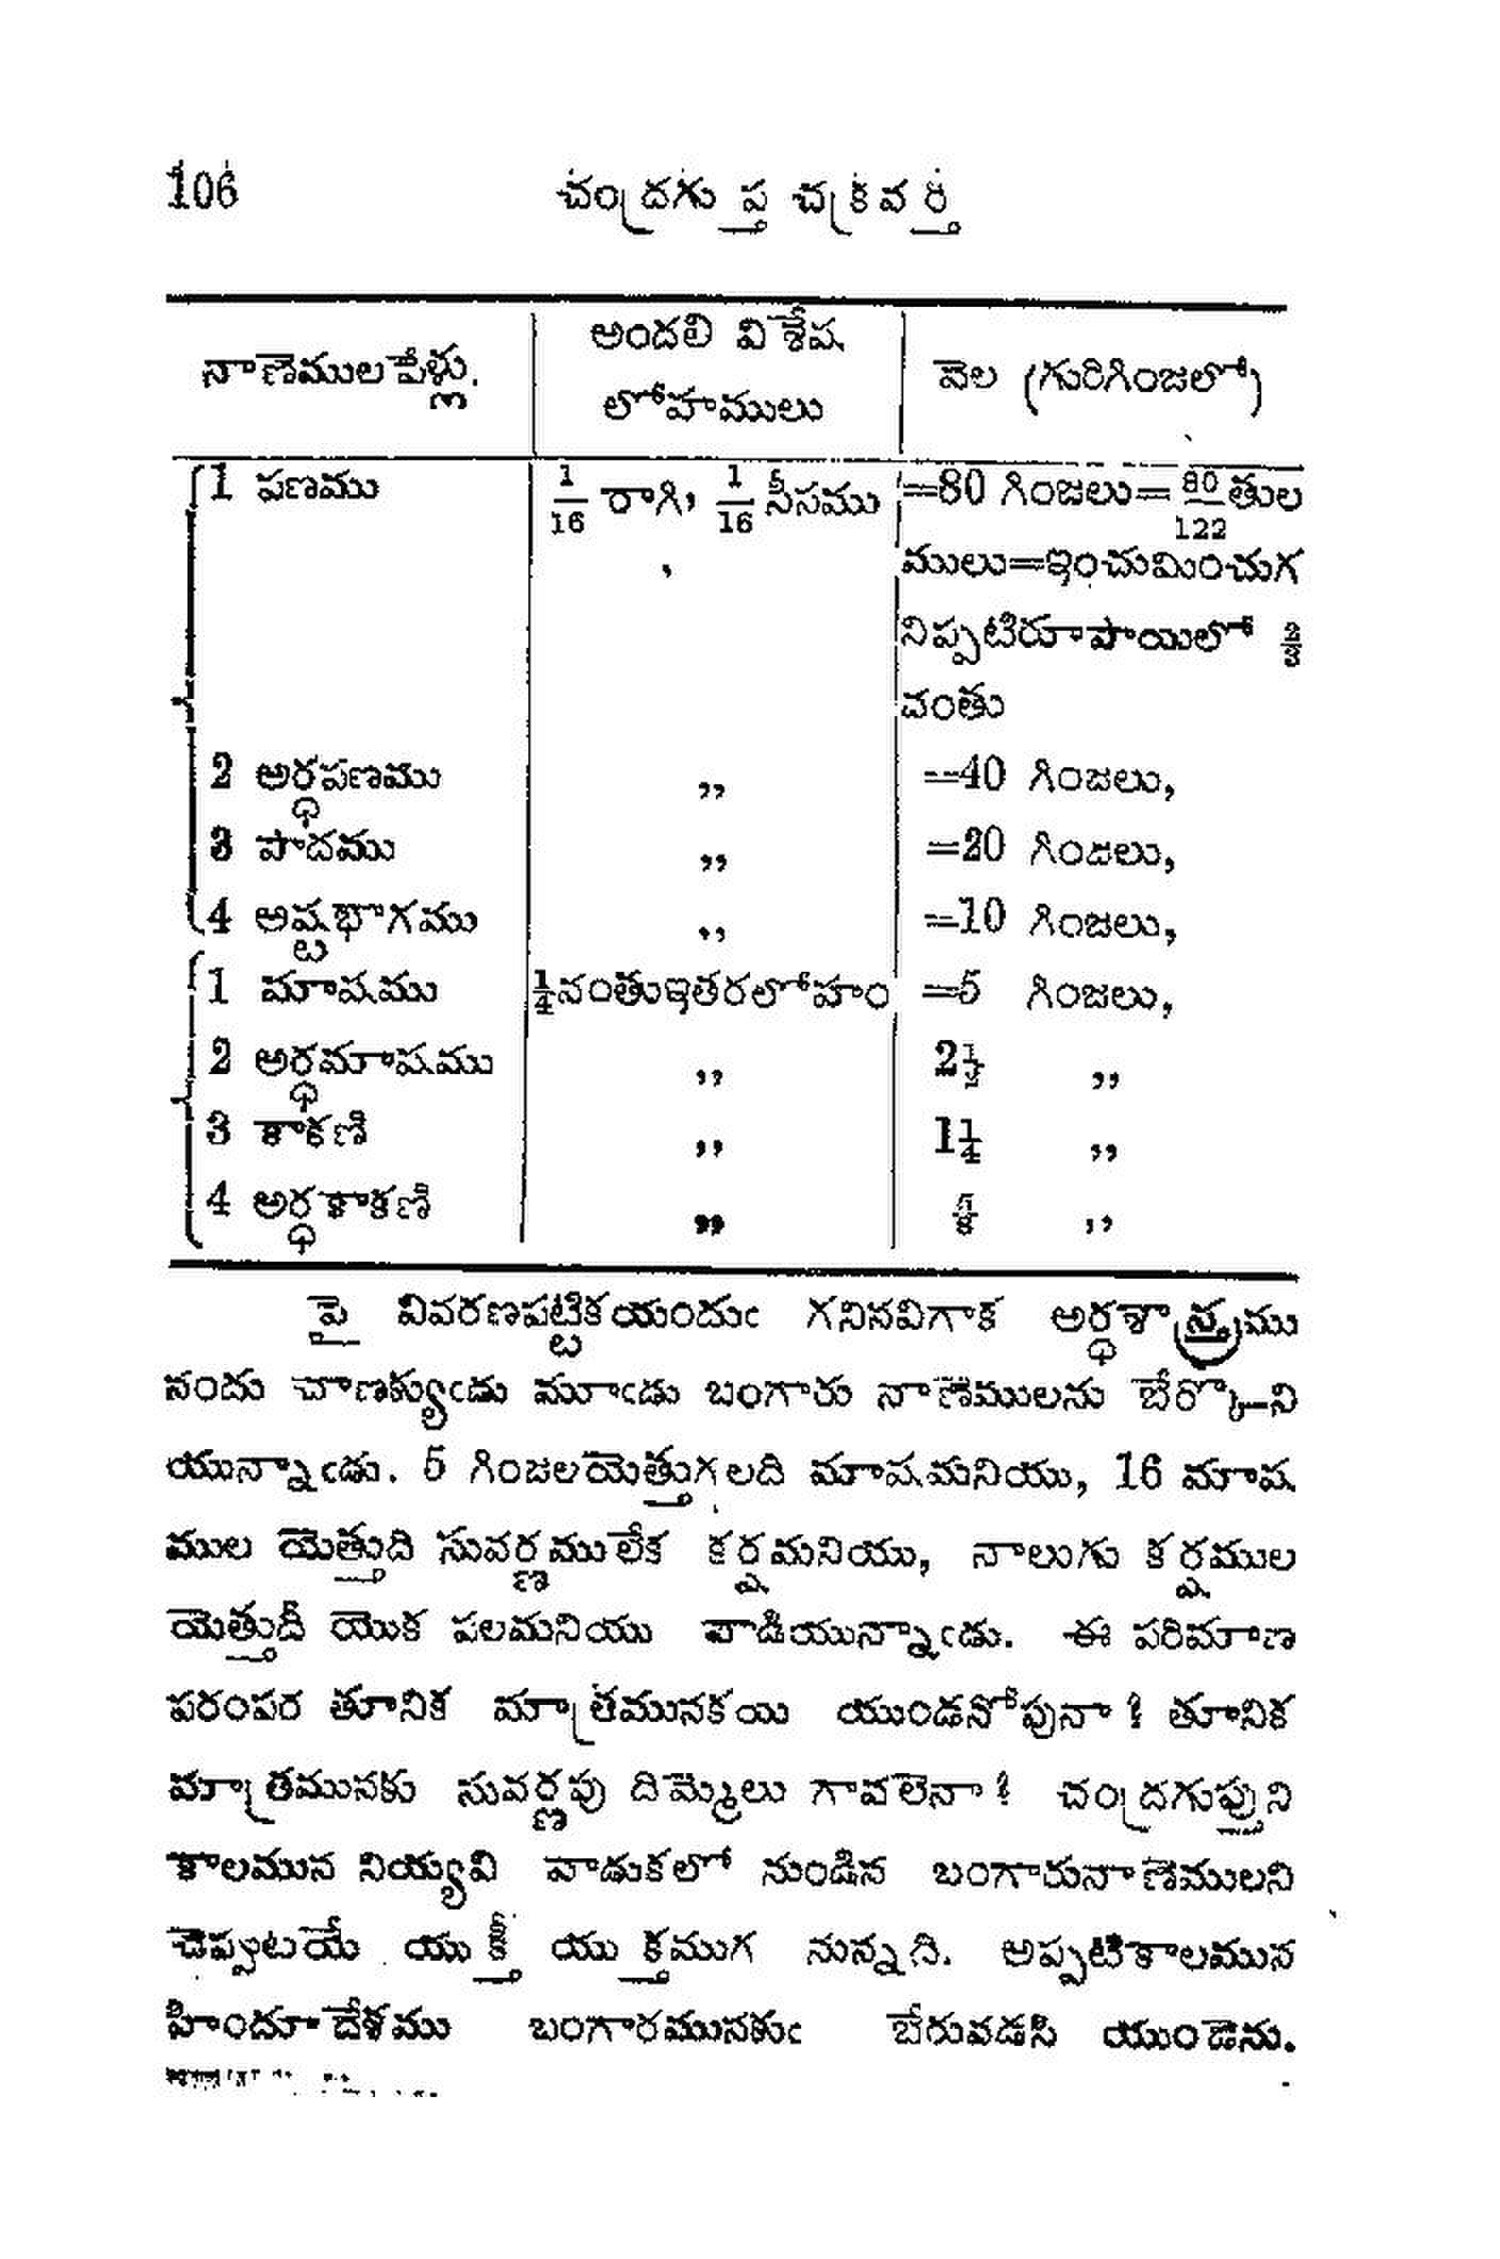నాణెముల పేళ్లు. అందలి విశేష లోహములు వెల (గురిగింజలలో) 1 పణము 1/16 రాగి, 1/16 సీసము =80 గింజలు = 80/122 తులములు = ఇంచుమించుగ నిప్పటిరూపాయిలో 2/3 వంతు 2 అర్థపణము " = 40 గింజలు, 3 పాదము " = 20 గింజలు, 4 అష్టభాగము " = 10 గింజలు 1 మాషము 1/4 వంతు ఇతరలోహం = 5 గింజలు 2 అర్ధమాషము " 2 1/2 గింజలు, కాకణి " 1 1/4 గింజలు అర్ధకాకణి " 5/8 గింజలు

పై వివరణపట్టికయందుఁ గనినవిగాక అర్ధశాస్త్రమునందు చాణక్యుఁడు బంగారు నాణెములను బేర్కొని యున్నాఁడు. 5 గింజలయెత్తుగలది మాషమనియు, 16 మాషముల యెత్తుది సువర్ణములేక కర్షకమనియు, నాలుగు కర్షముల యెత్తుదీ యొక పలమనియు వాడియున్నాఁడు. ఈ పరిమాణ పరంపర తూనిక మాత్రమునకయి యుండనోపునా ? తూనిక మాత్రమునకు సువర్ణపు దిమ్మెలు గావలెనా? చంద్రగుప్తుని కాలమున నియ్యవి వాడుకలో నుండిన బంగారునాణెములని చెప్పుటయే యుక్తీ యుక్తముగ నున్నది. అప్పటికాలమున హిందూదేశము బంగారమునకుఁ బేరువడసి యుండెను.